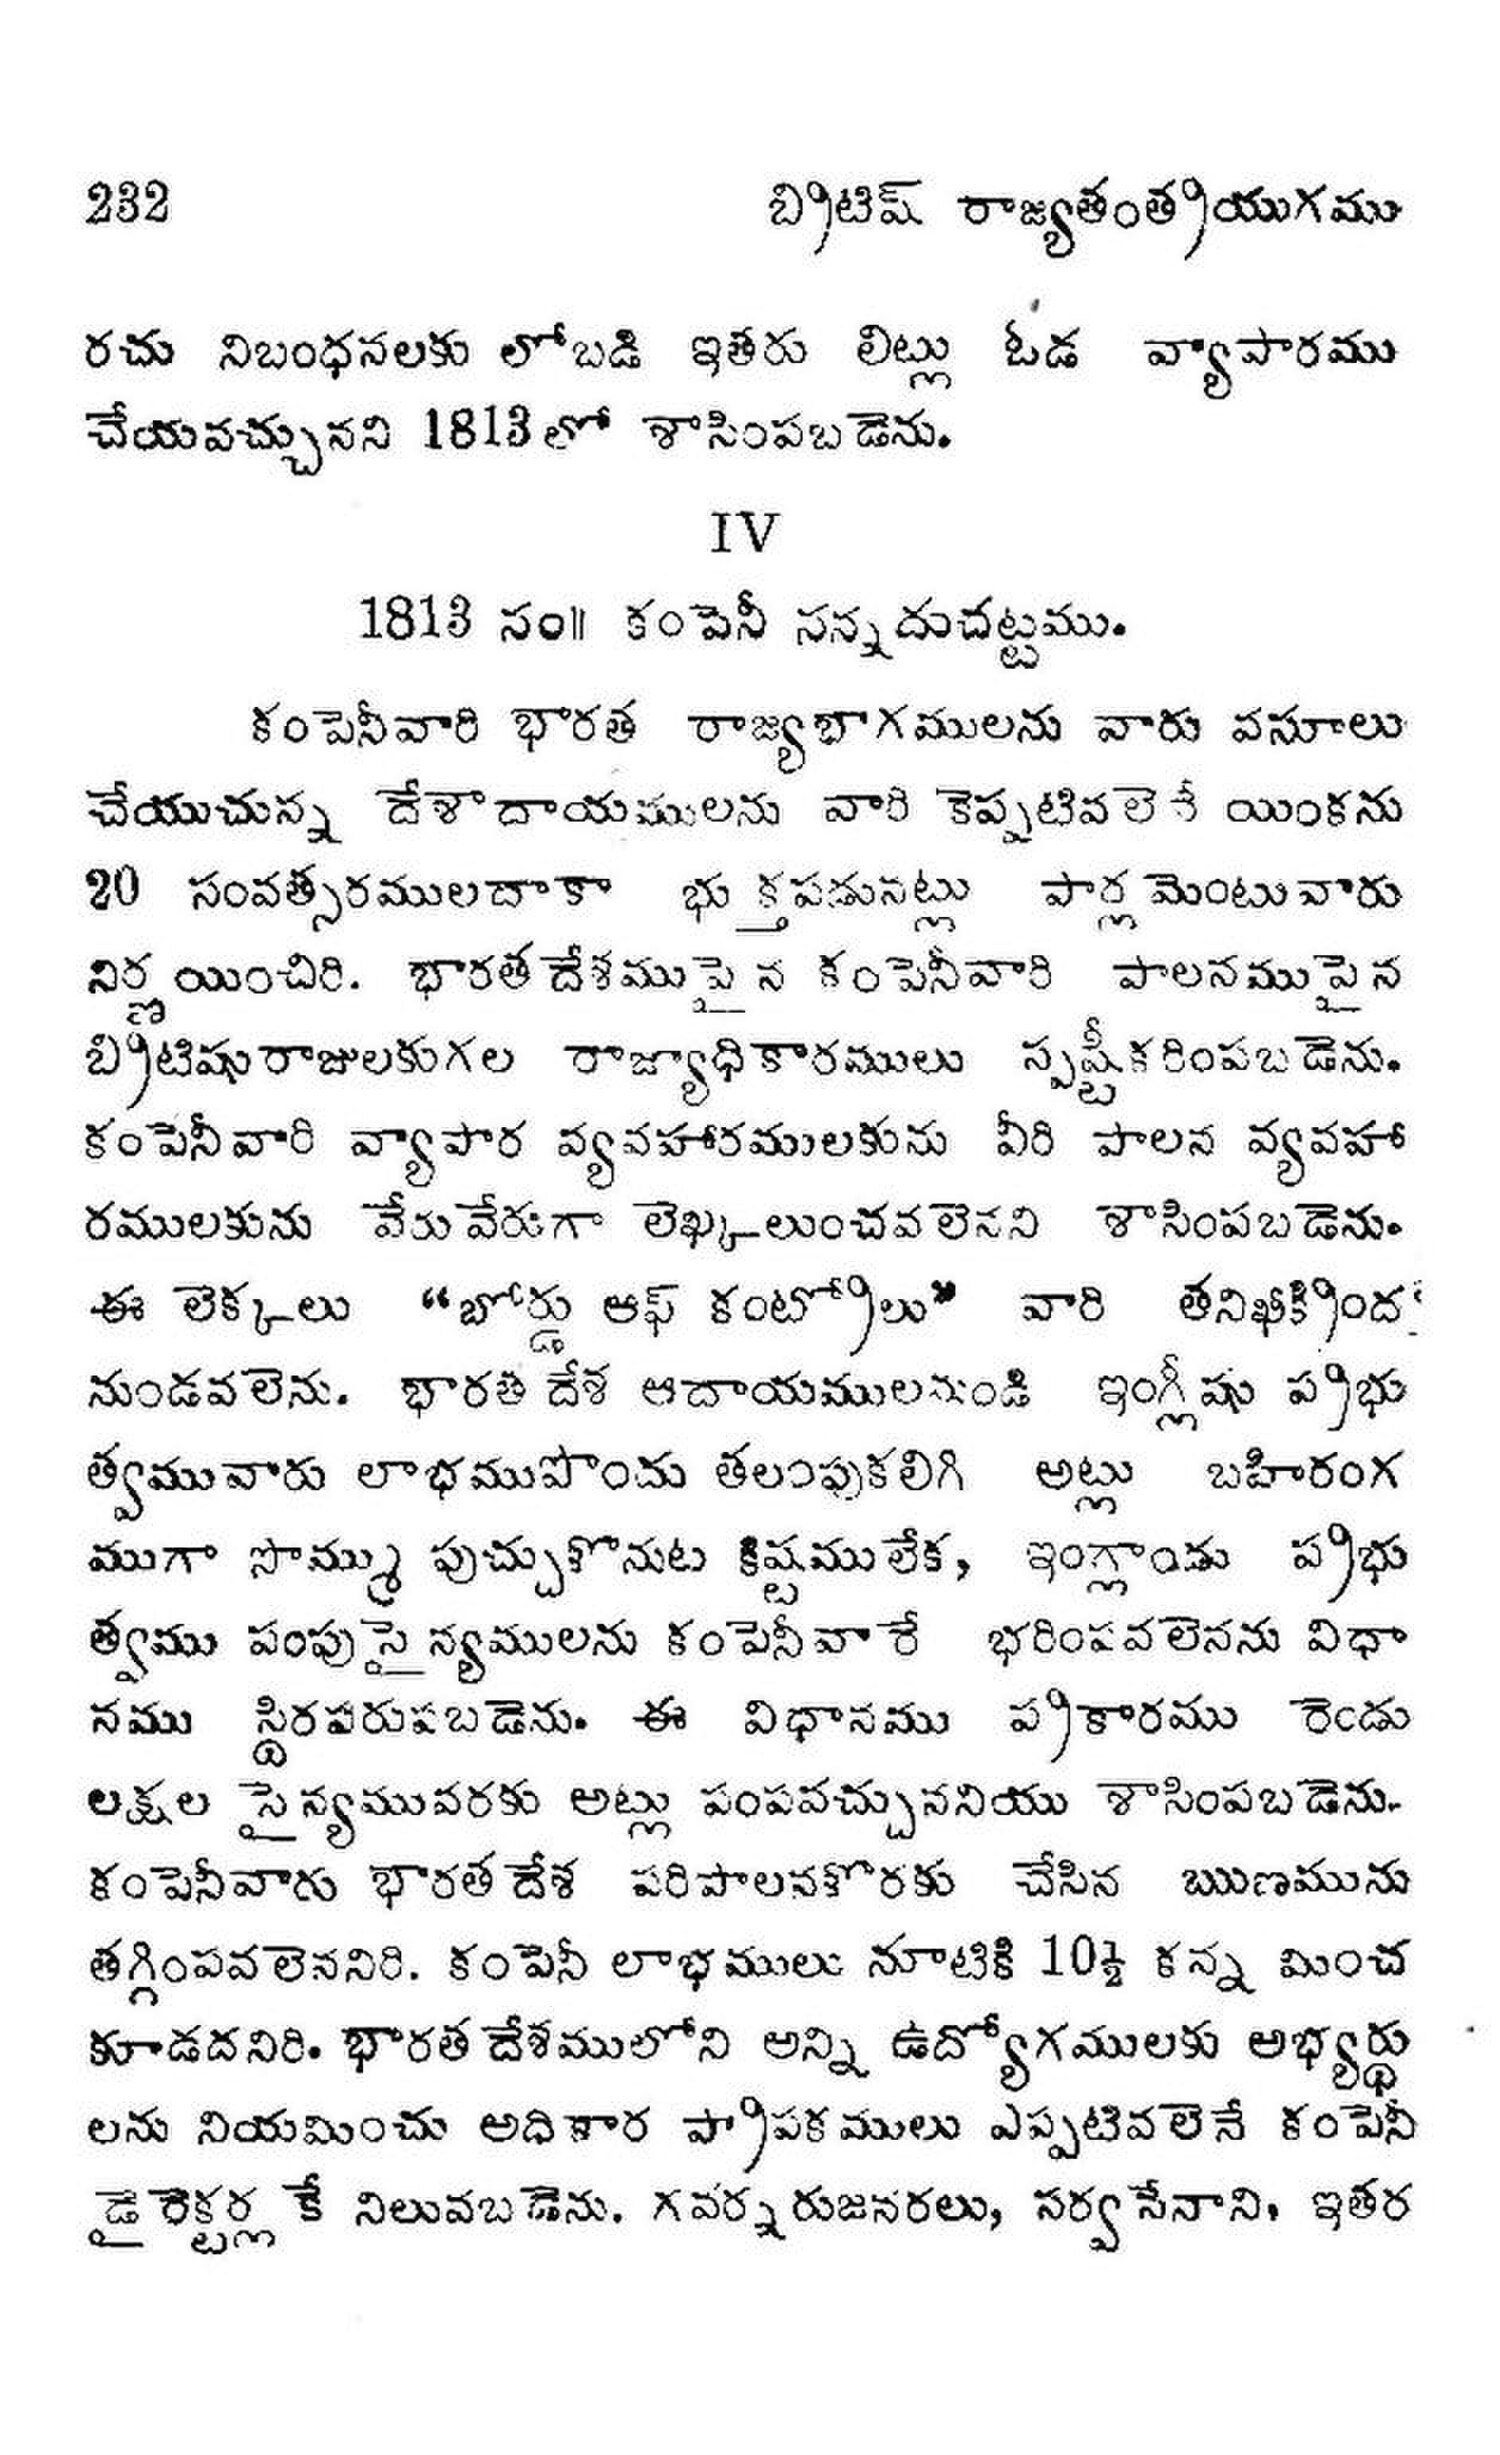రచు నిబంధనలకు లోబడి ఇతరు లిట్లు ఓడ వ్యాపారము చేయవచ్చునని 1813 లో శాసింపబడెను.

IV 
1813 సం|| కంపెనీ సన్నదుచట్టము. 

కంపెనీవారి భారత రాజ్యభాగములను వారు వసూలు చేయుచున్న దేశాదాయములను వారి కెప్పటివలెనే యింకను 20 సంవత్సరములదాకా భుక్తపడునట్లు పార్లమెంటువారు నిర్ణయించిరి. భారతదేశముపైన కంపెనీవారి పాలనముపైన బ్రిటిషురాజులకుగల రాజ్యాధికారములు స్పష్టీకరింపబడెను. కంపెనీవారి వ్యాపార వ్యవహారములకును వీరి పాలన వ్యవహారములకును వేరువేరుగా లెఖ్కలుంచవలెనని శాసింపబడెను. ఈ లెక్కలు “బోర్డు ఆఫ్ కంట్రోలు" వారి తనిఖీక్రింద నుండవలెను. భారతదేశ ఆదాయములనుండి ఇంగ్లీషు ప్రభుత్వమువారు లాభముపొంచు తలంపుకలిగి అట్లు బహిరంగముగా సొమ్ము పుచ్చుకొనుట కిష్టములేక, ఇంగ్లాండు ప్రభుత్వము పంపు సైన్యములను కంపెనీవారే భరింపవలెనను విధానము స్థిరపరుపబడెను. ఈ విధానము ప్రకారము రెండులక్షల సైన్యమువరకు అట్లు పంపవచ్చుననియు శాసింపబడెను. కంపెనీవారు భారతదేశ పరిపాలనకొరకు చేసిన ఋణమును తగ్గింపవలెననిరి. కంపెనీ లాభములు నూటికి 10 1/2 కన్న మించకూడదనిరి. భారతదేశములోని అన్ని ఉద్యోగములకు అభ్యర్ధులను నియమించు అధికార ప్రాపకములు ఎప్పటివలెనే కంపెనీ డైరెక్టర్ల కే నిలువబడెను. గవర్నరుజనరలు, సర్వసేనాని, ఇతర